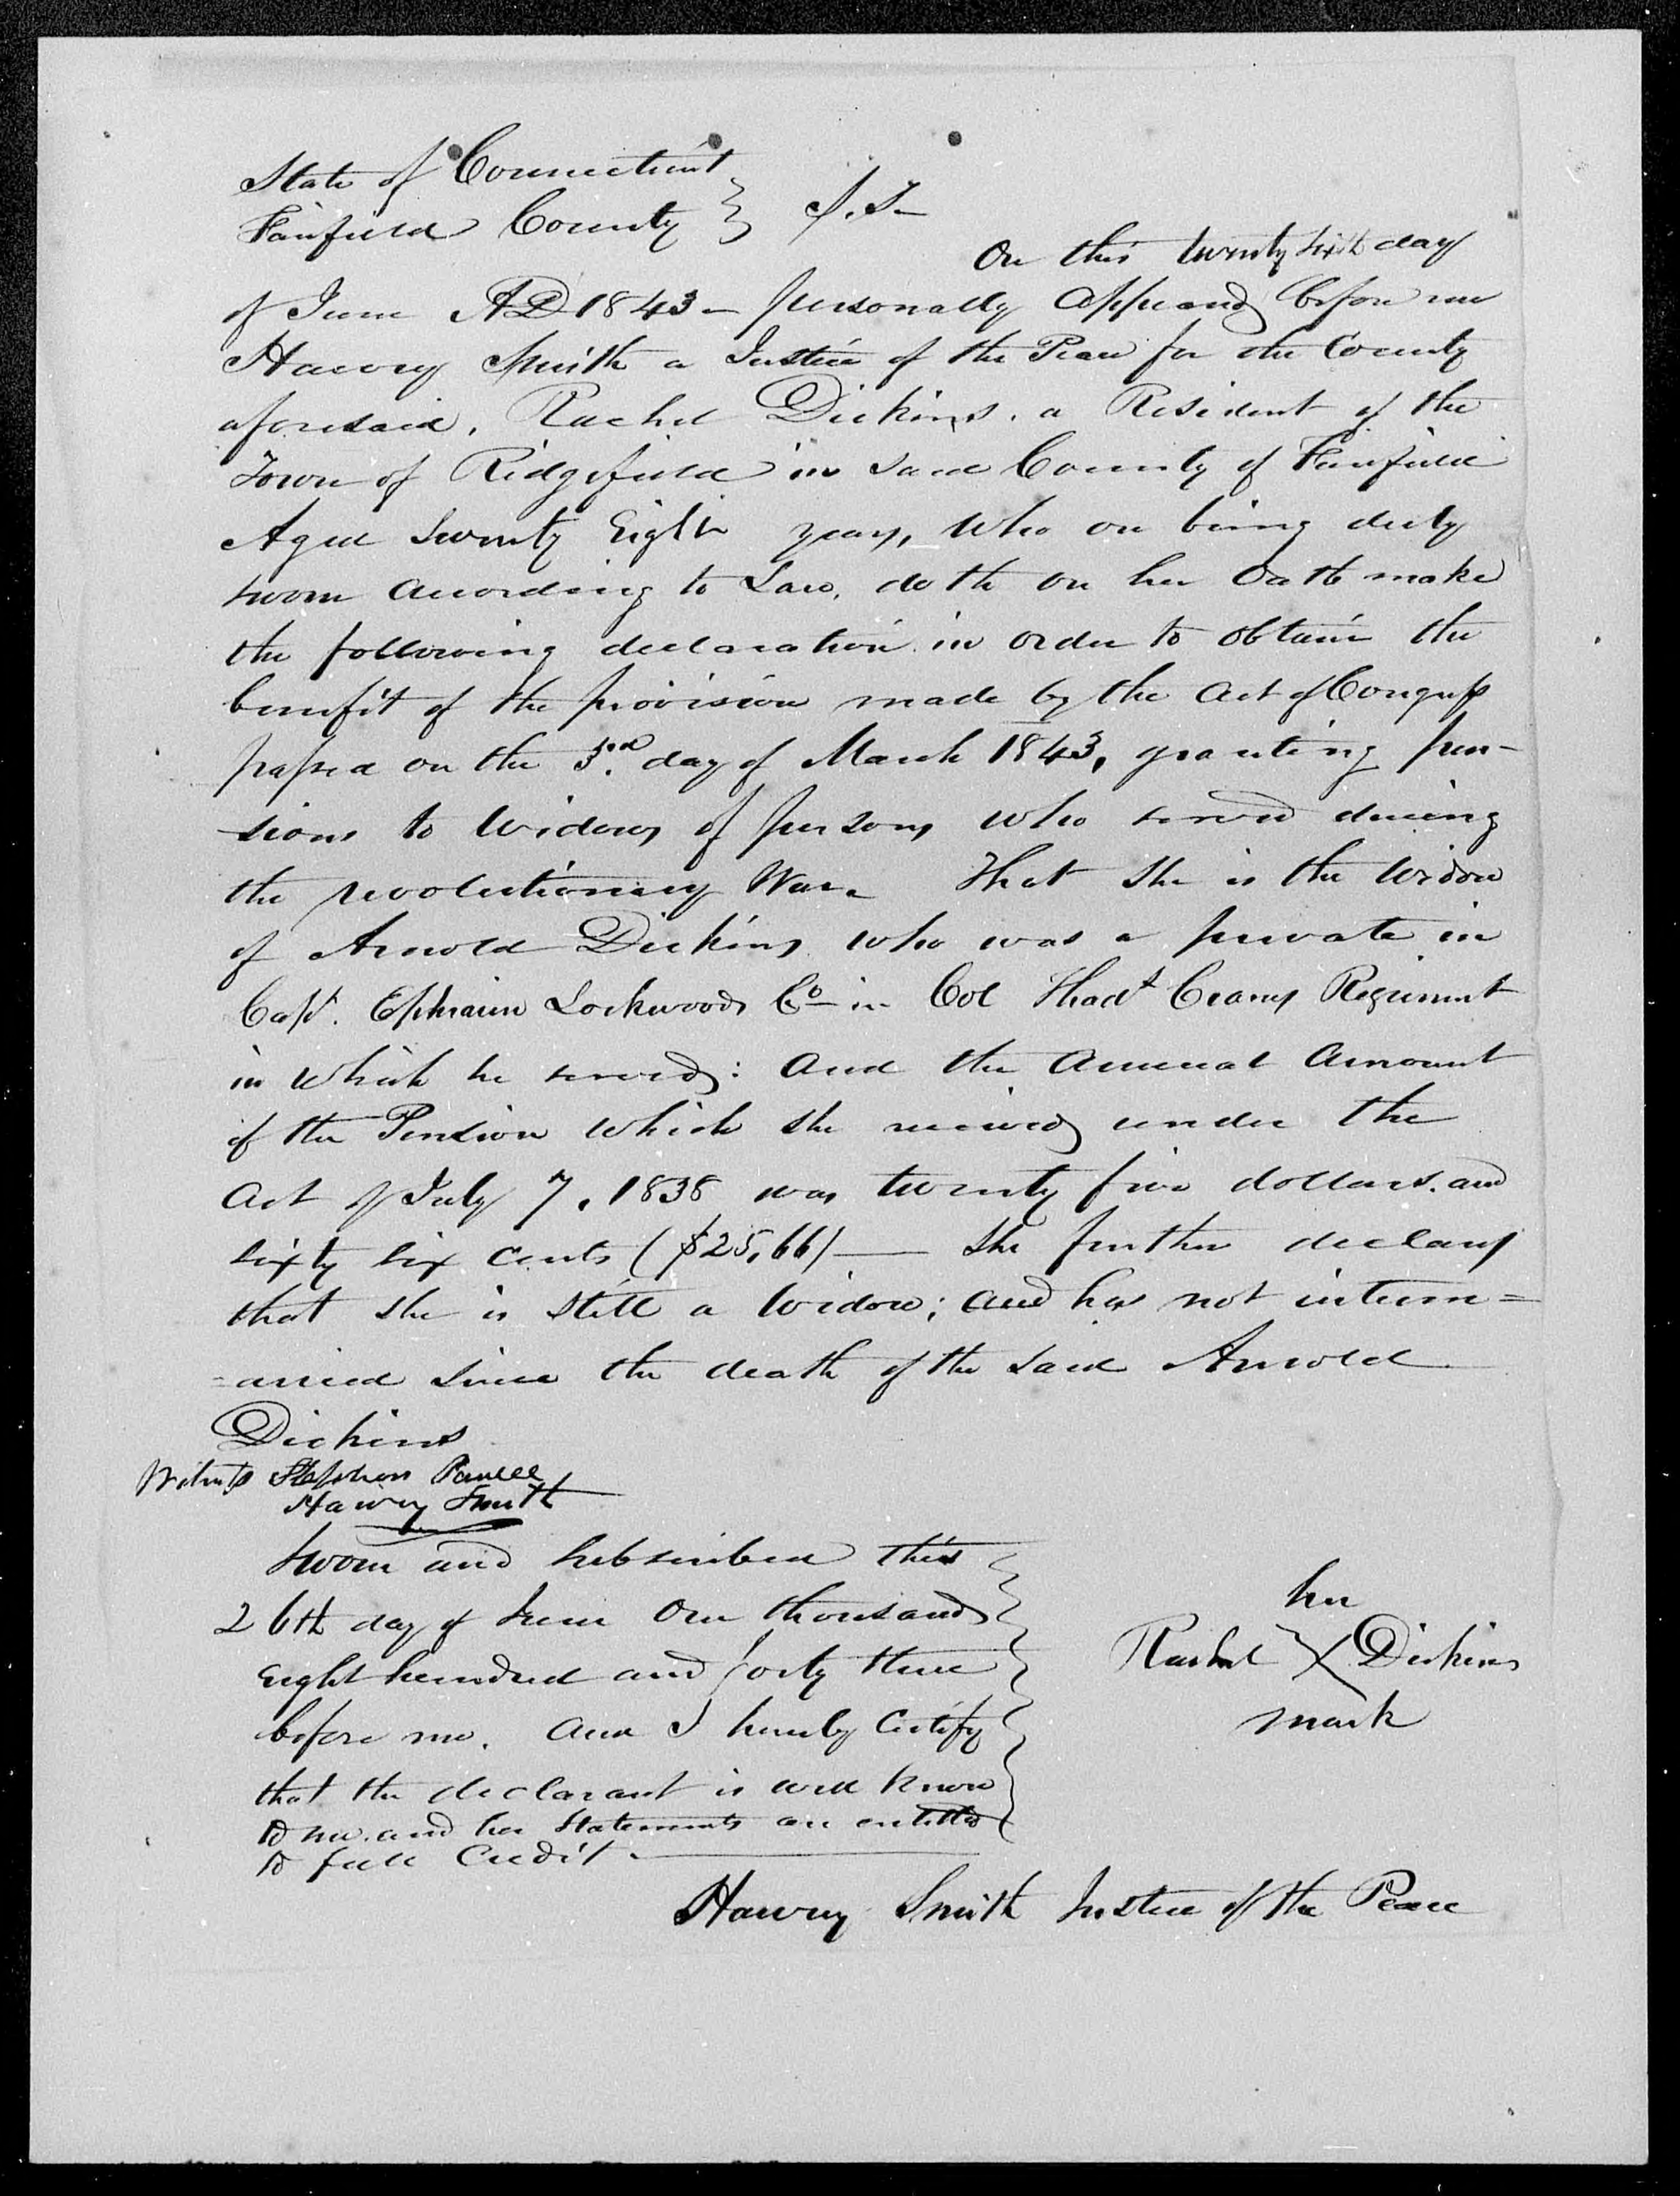State of Connecticut}
Fairfield County       }  SS.

On this twenty sixth day of June AD 1843 - personally appeared before me Harvey Smith a Justice of the Peace for the County aforesaid, Rachel Dickins, a Resident of the Town of Ridgefield in said County of Fairfield Aged Seventy Eight years, who on being duly sworn according to Law, doth on her oath make the following declaration in order to obtain the benefit of the provision made by the Act of Congress passed on the 3rd day of March 1843, granting pensions to widows of persons who served during the revolutionary War.  That She is the widow of Arnold Dickins who was a private in Capt. Ephraim Lockwoods Co in Col Thads. Cranes Regiment in which he served.  And the Annual Amount of the Pension which she received under the Act of July 7, 1838 was twenty five dollars and sixty six cents ($25.66)— She further declares that she is still a widow; and has not intermarried since the death of the said Arnold Dickins
Rachel [X her mark] Dickins
Witness  Stephen Pardee   Harvey Smith

Sworn and Subscribed this 26th day of June}
one thousand eight hundred and forty three}
before me.  And I hereby Certify that the 
declarant is well known to me and her statements are entitled to full credit—
Harvey Smith  Justice of the Peace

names: Harvey Smith, Arnold Dickins, Harvey Smith, Harvey Smith, Rachel Dickins, Arnold Dickins, Rachel Dickins, Stephen Pardee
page: 28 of 29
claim: widow's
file: W. 17720, Arnold Dickens, New York